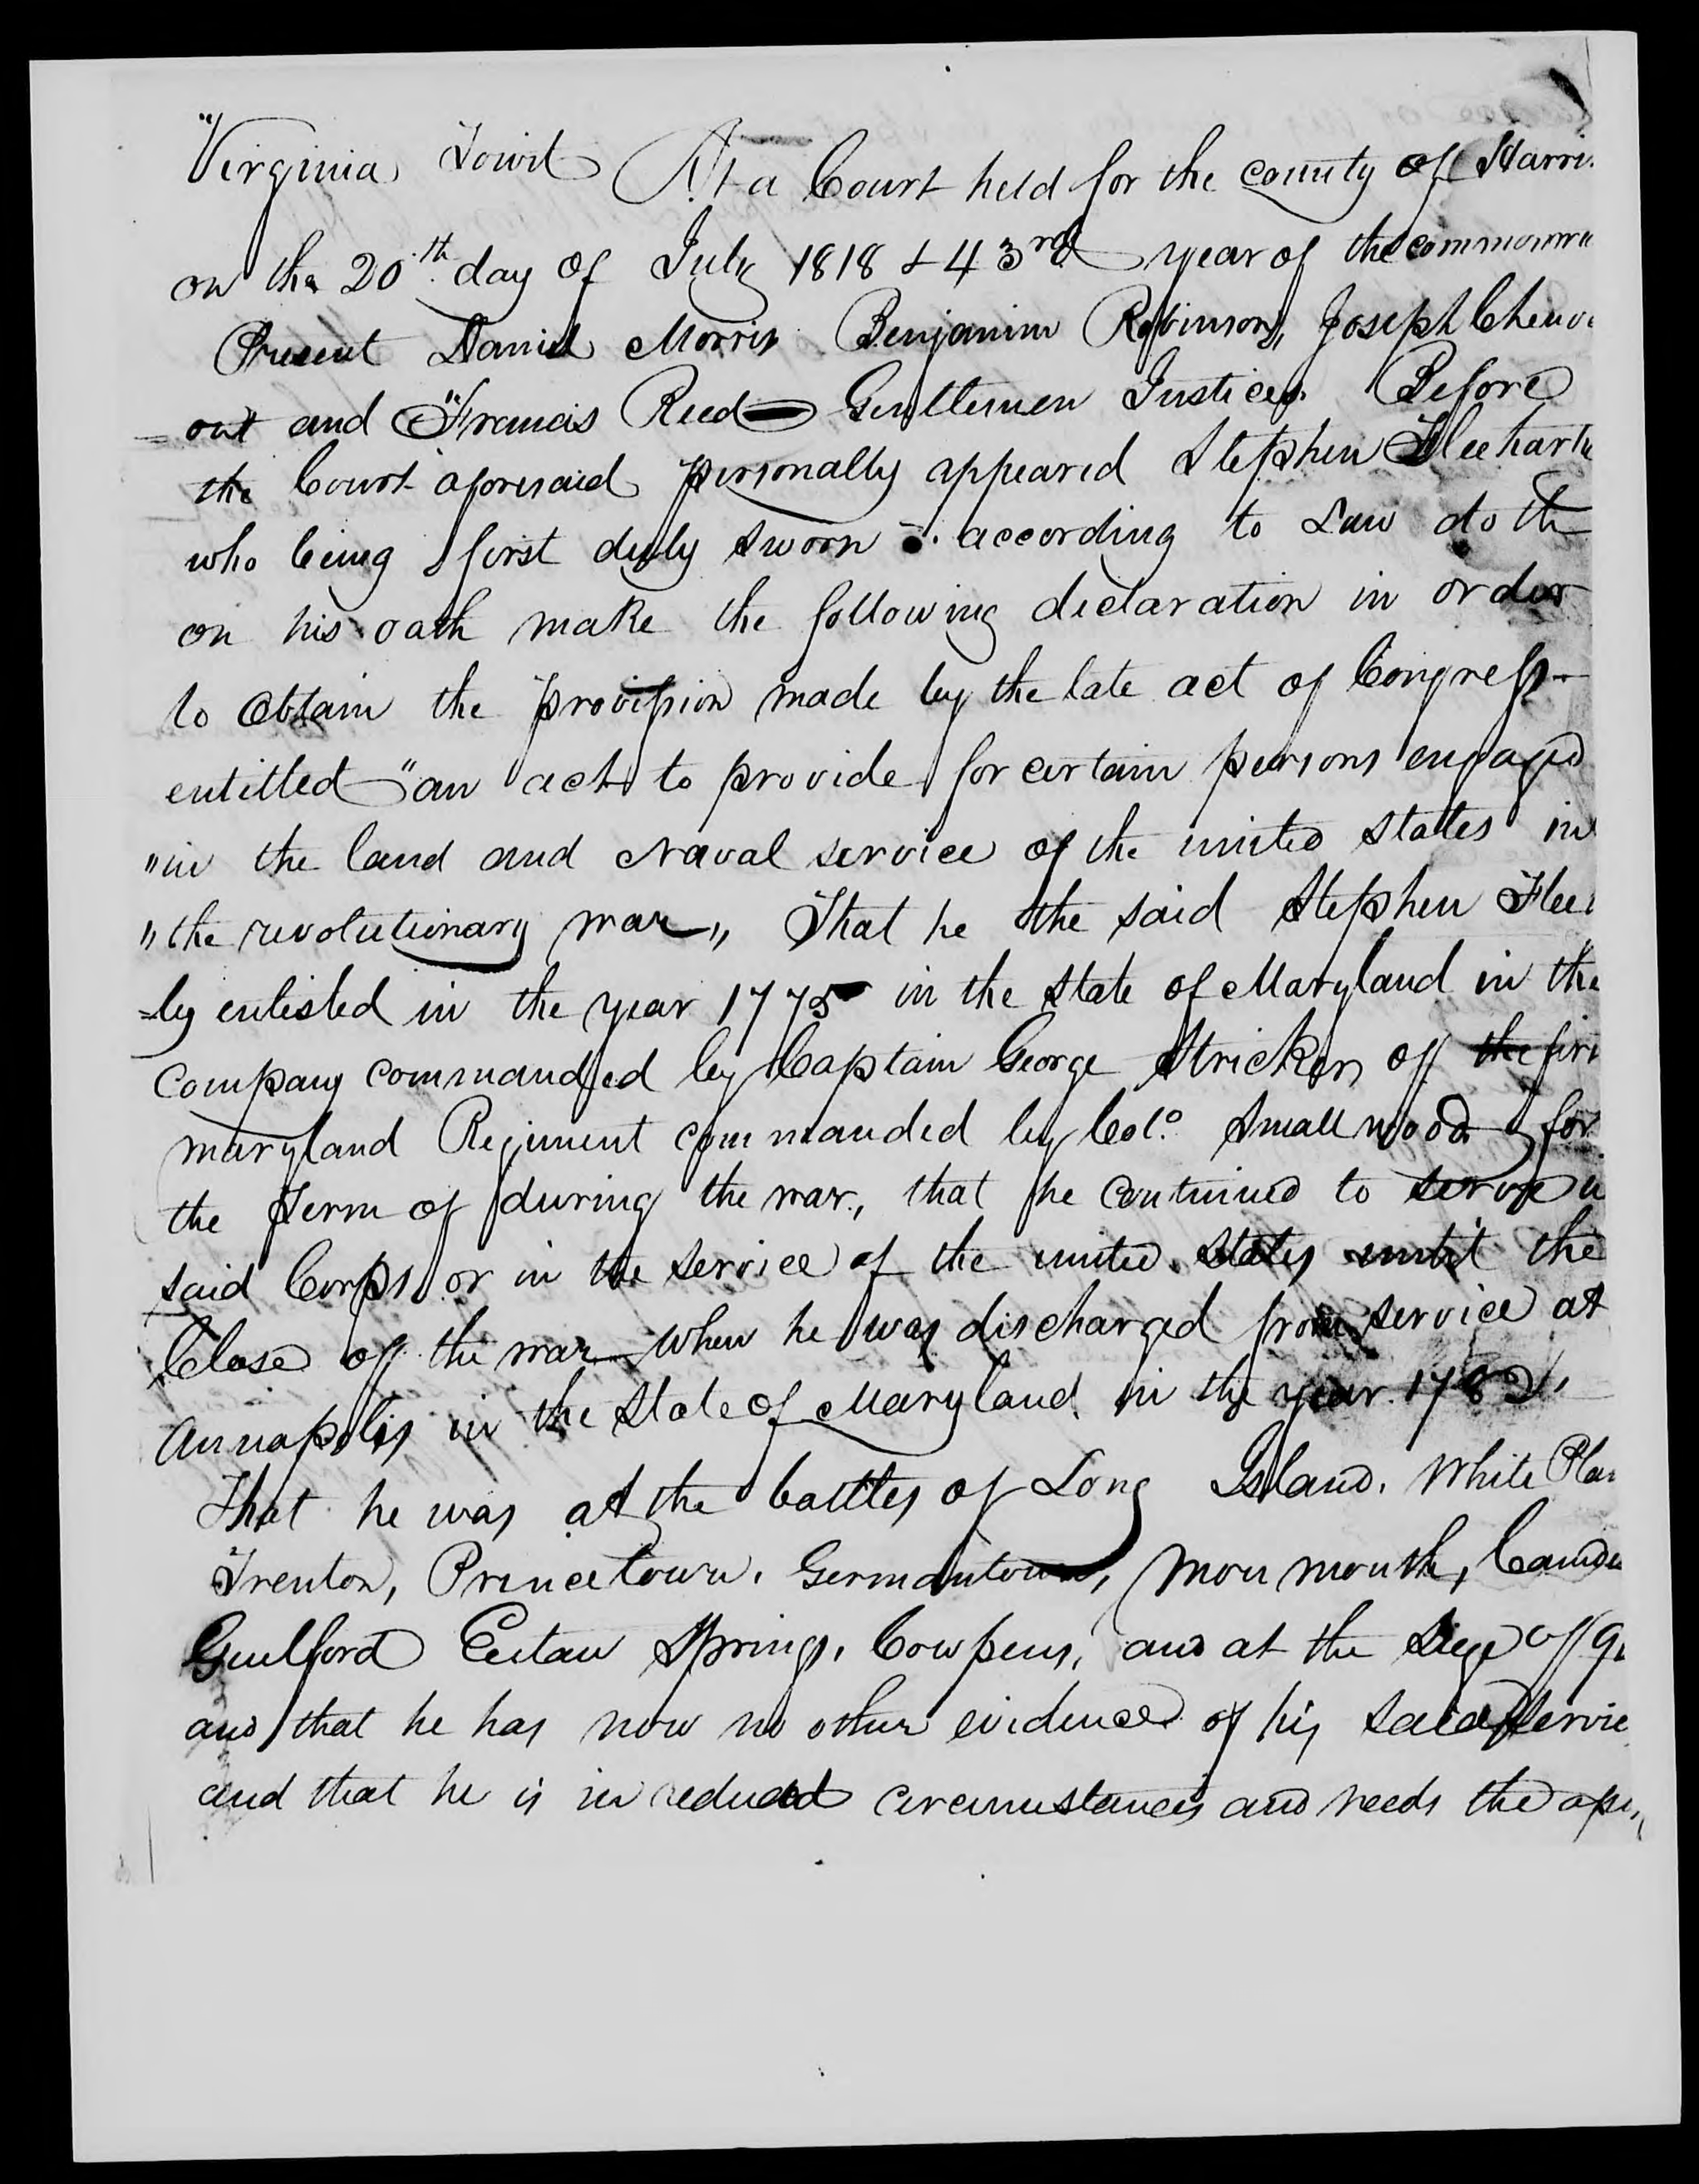Virginia to wit At a Court held for the county of Harrison the 20th day of July 1818 + 43rd year of the commonwealth       
Present David Morris Benjamin Robinson, Joseph Chenvout and Francis Reed    Gentlemen  Justices. Before the Court aforesaid personally appeared Stephen Fleeharty who being first duly sworn according to Law doth on his oath make the following declaration in order to Obtain the provision made by the late act of Congress entitled “an act to provide for certain persons engaged in the land and naval service of the United States in the revolutionary war”     That he the said Stephen Fleeharty enlisted in the year 1775 in the state of Maryland in the company commanded by Captain George Stricken of the First Maryland Regiment commanded by Col. Smallwood for the Term of during the war, that he continued to serve with said Comp. or in the service of the united States until the Close of the war when he was discharged from service at Annapolis in the state of Maryland in the year 1782. That he was at the battles of Long Island, White Plains, Trenton, Princeton, Germantown, Monmouth, Camden, Guilford, Eutaw Springs, Cowpens, and at the Siege of 96 and that he has now no other evidence of his said service and that he is in reduced circumstances and needs the assistance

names: Joseph, Francis Reed, Daniel Morris, Benjamin Robinson, Stephen Fleeharty, George Stricken, Smallwood, Stephen Fleeharty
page: 4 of 14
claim: survivor's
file: S. 39529, Stephen Fleeharty, Md.